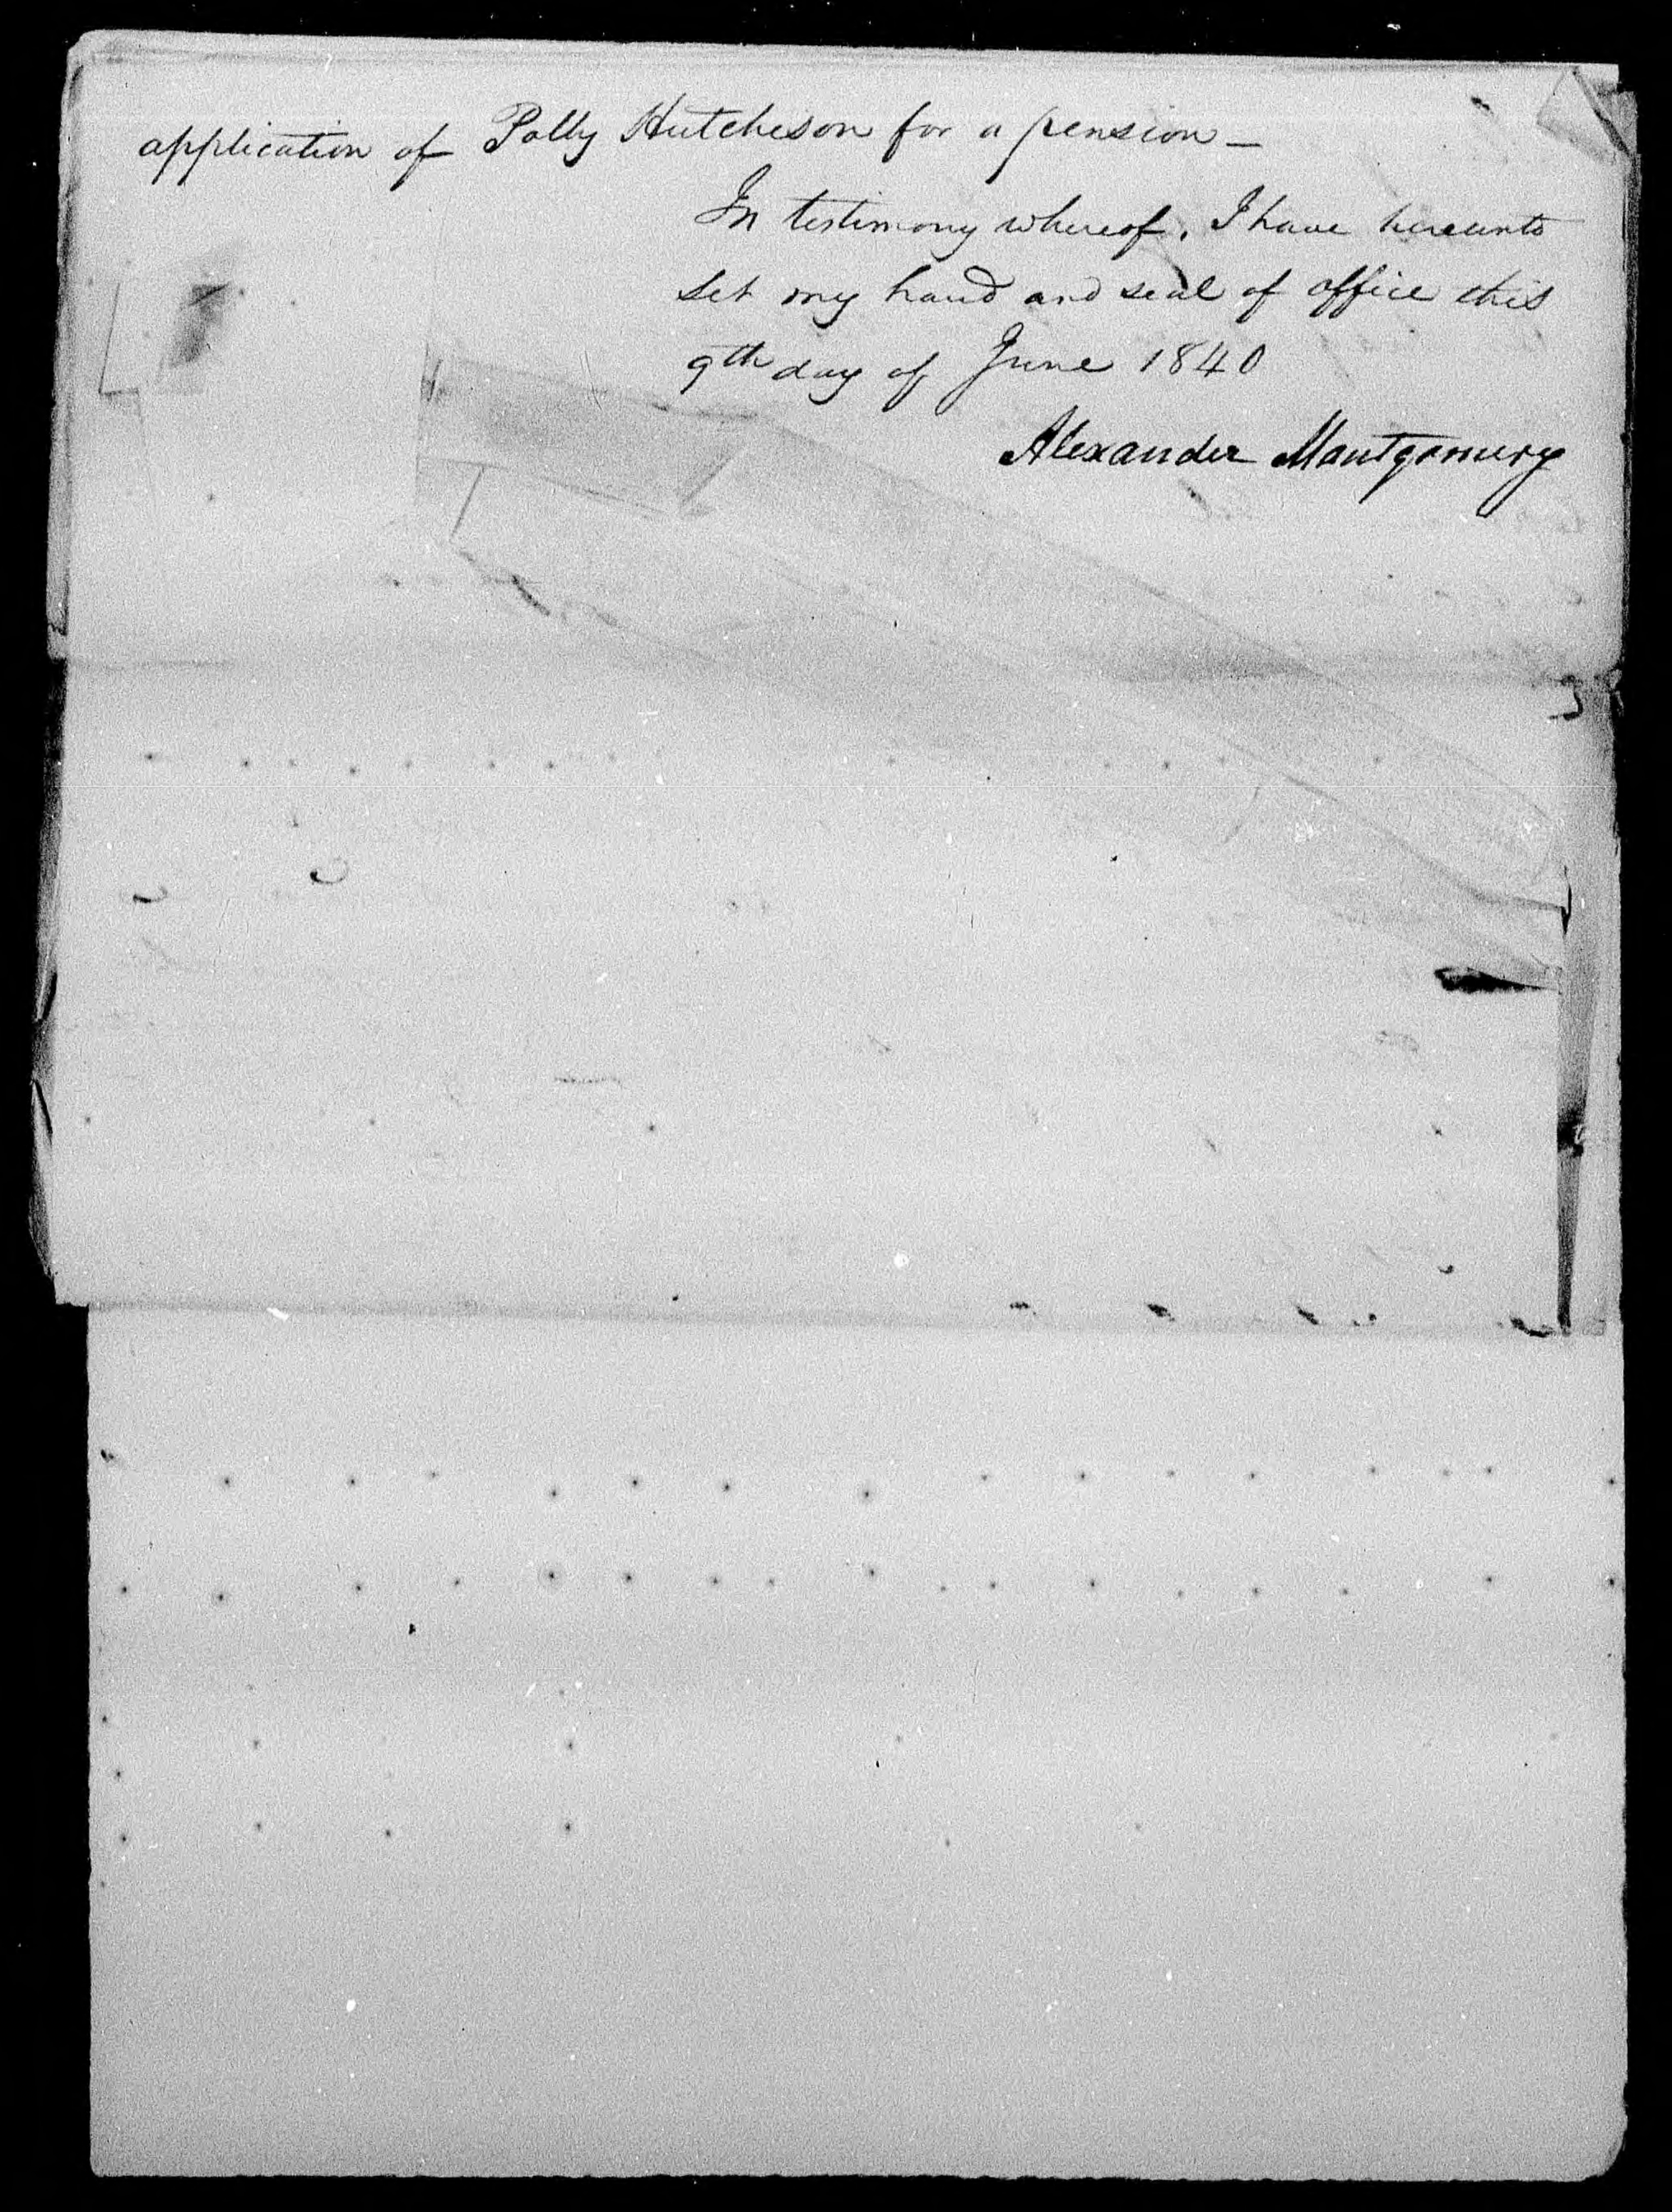application of Polly Hutcheson [Hutchison] for a pension- 

In testimony whereof, I have hereunto set my hand and seal of office this 9th day June 1840 

Alexander Montgomery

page: 4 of 19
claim: rejected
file: R. 5442, for Samuel Hutchison, Virginia